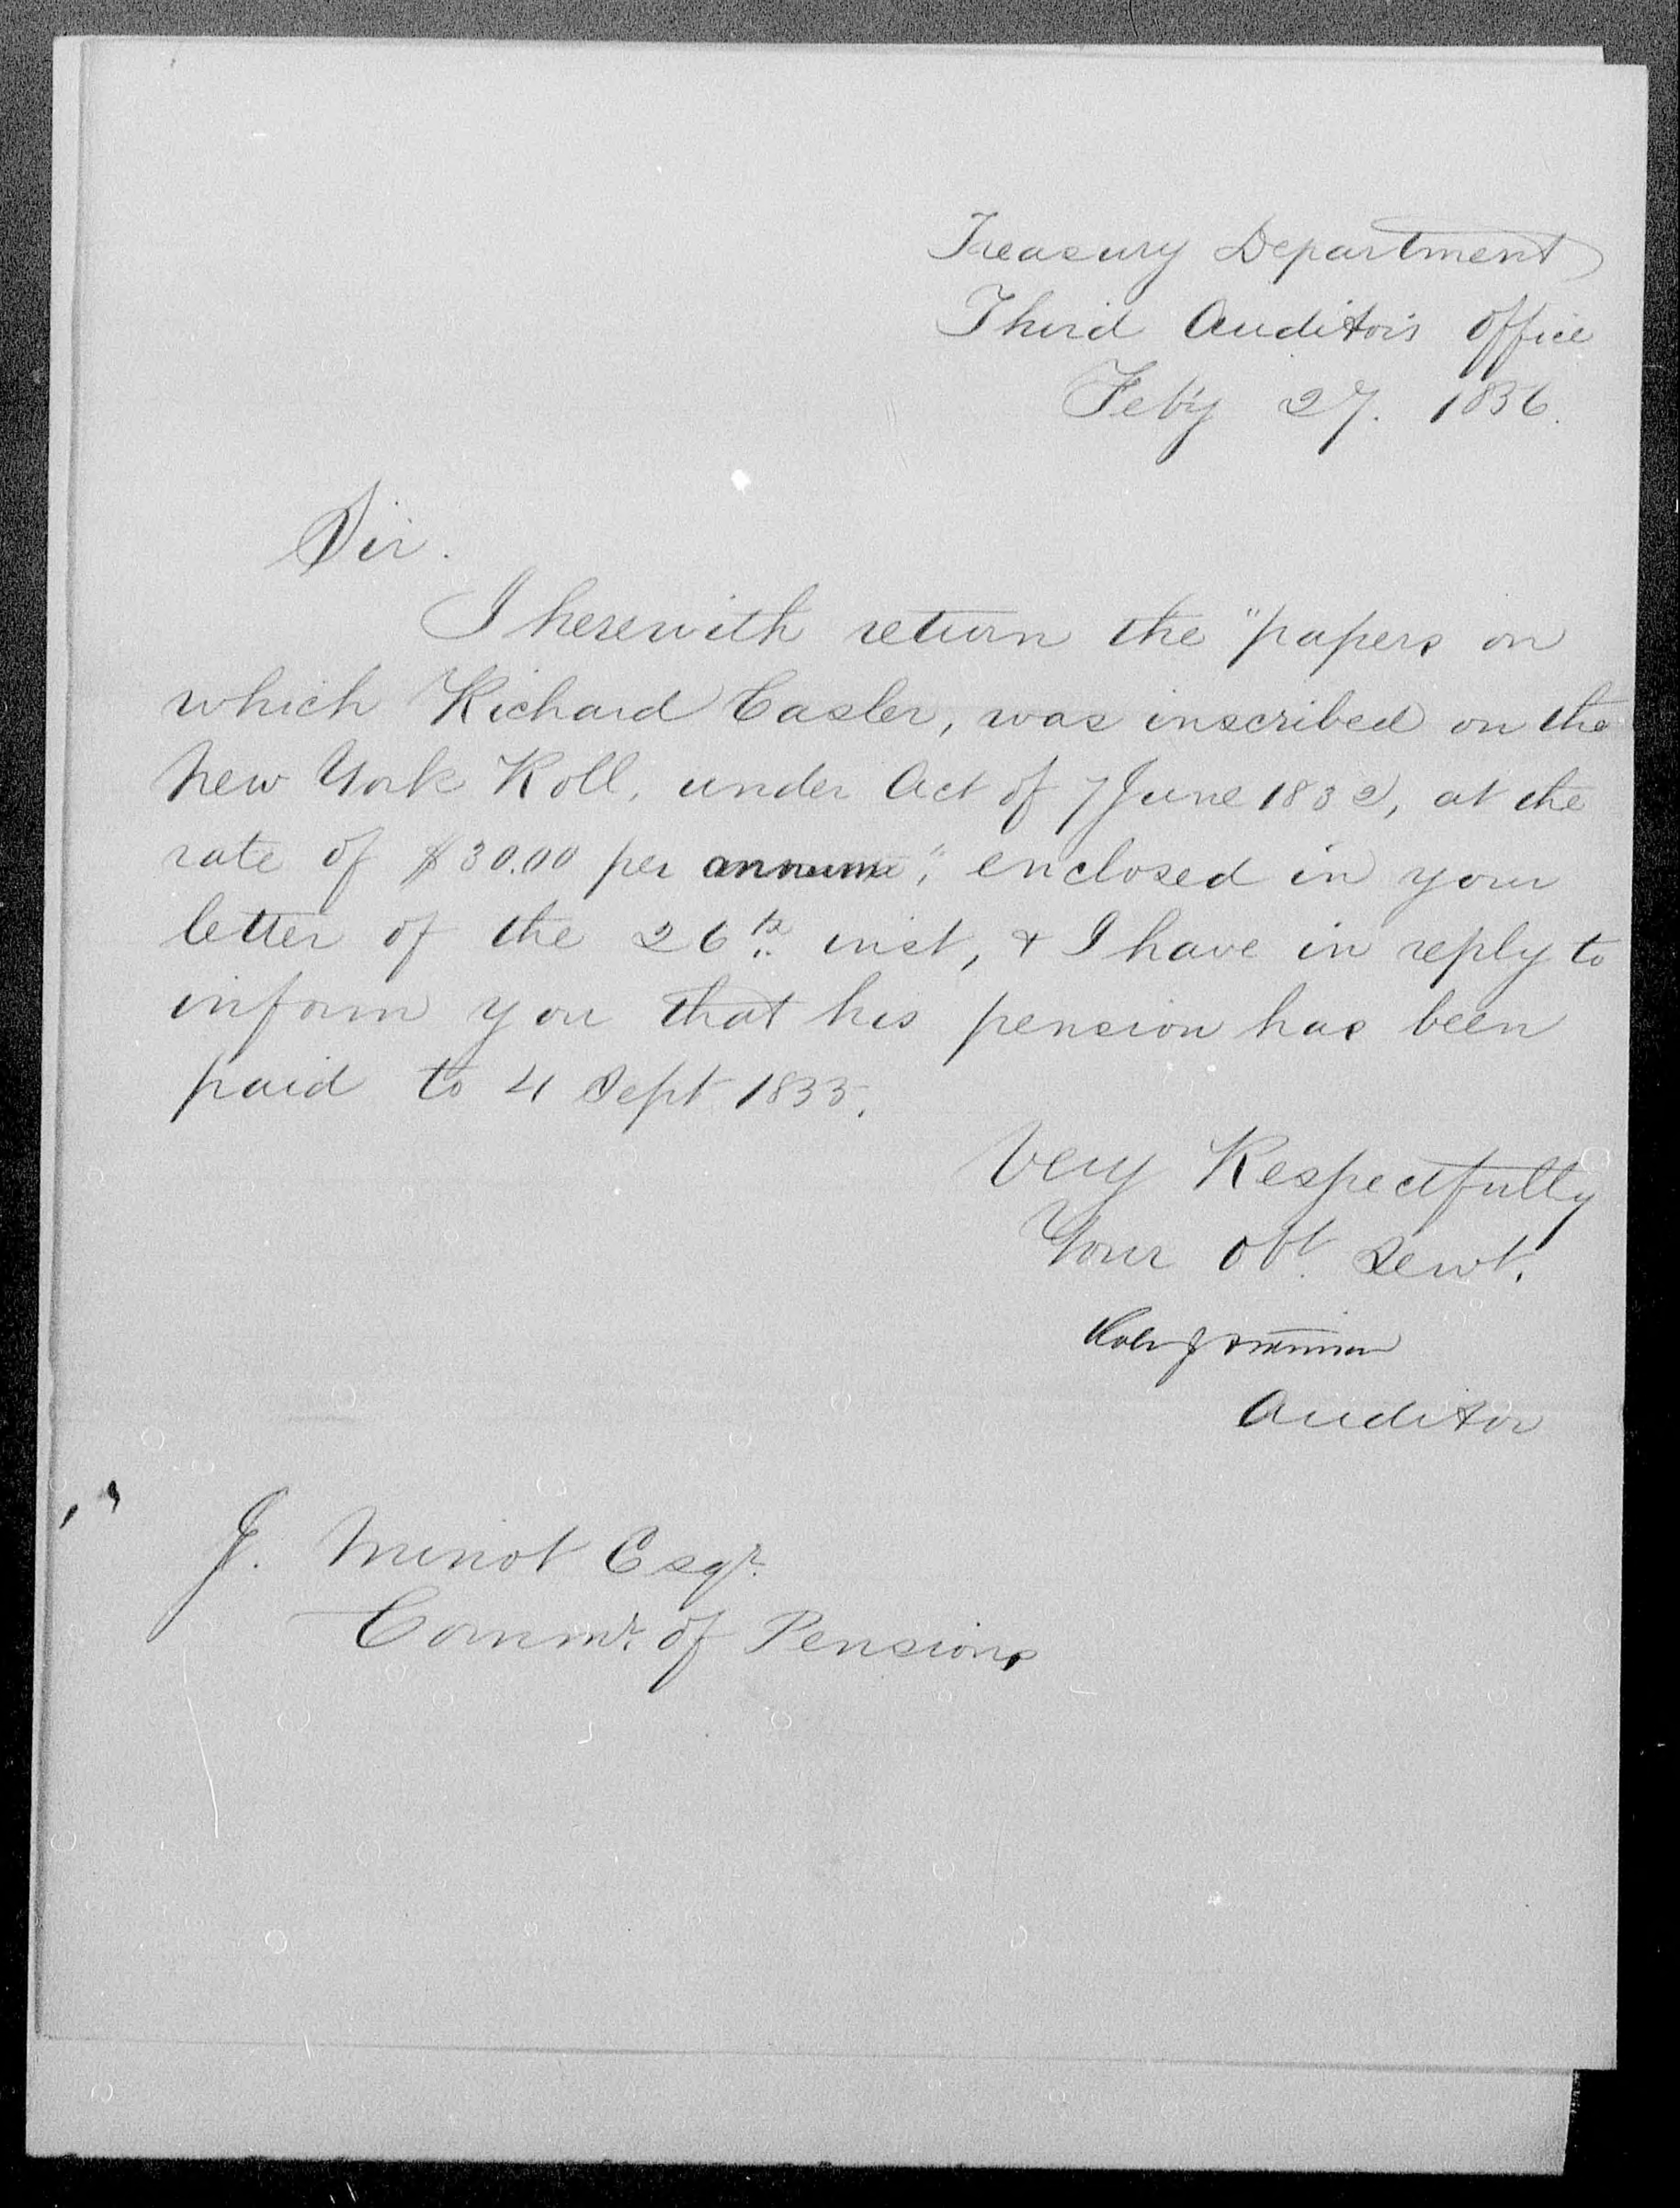Treasury Department 
Third Auditor's Office 
Feby 27. 1856 
Sir. 
I herewith return the papers on which Richard Casler, was inscribed on the New York Roll, under Act of June 1832, at the rate of $30.00 per annum, enclosed in your letter of the 26th inst, & I have in reply to inform you that his pension has been paid to 4 Sept 1855. 
Very Respectfully 
Your Obt Servt 
[signed] Robert J Atkinson
Auditor

J. Minot Esqr 
Commr of Pensions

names: J Minot, Robt J Atkinson, Richard Casler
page: 43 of 66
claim: widow's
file: W. 6637, Richard Caslar, New York